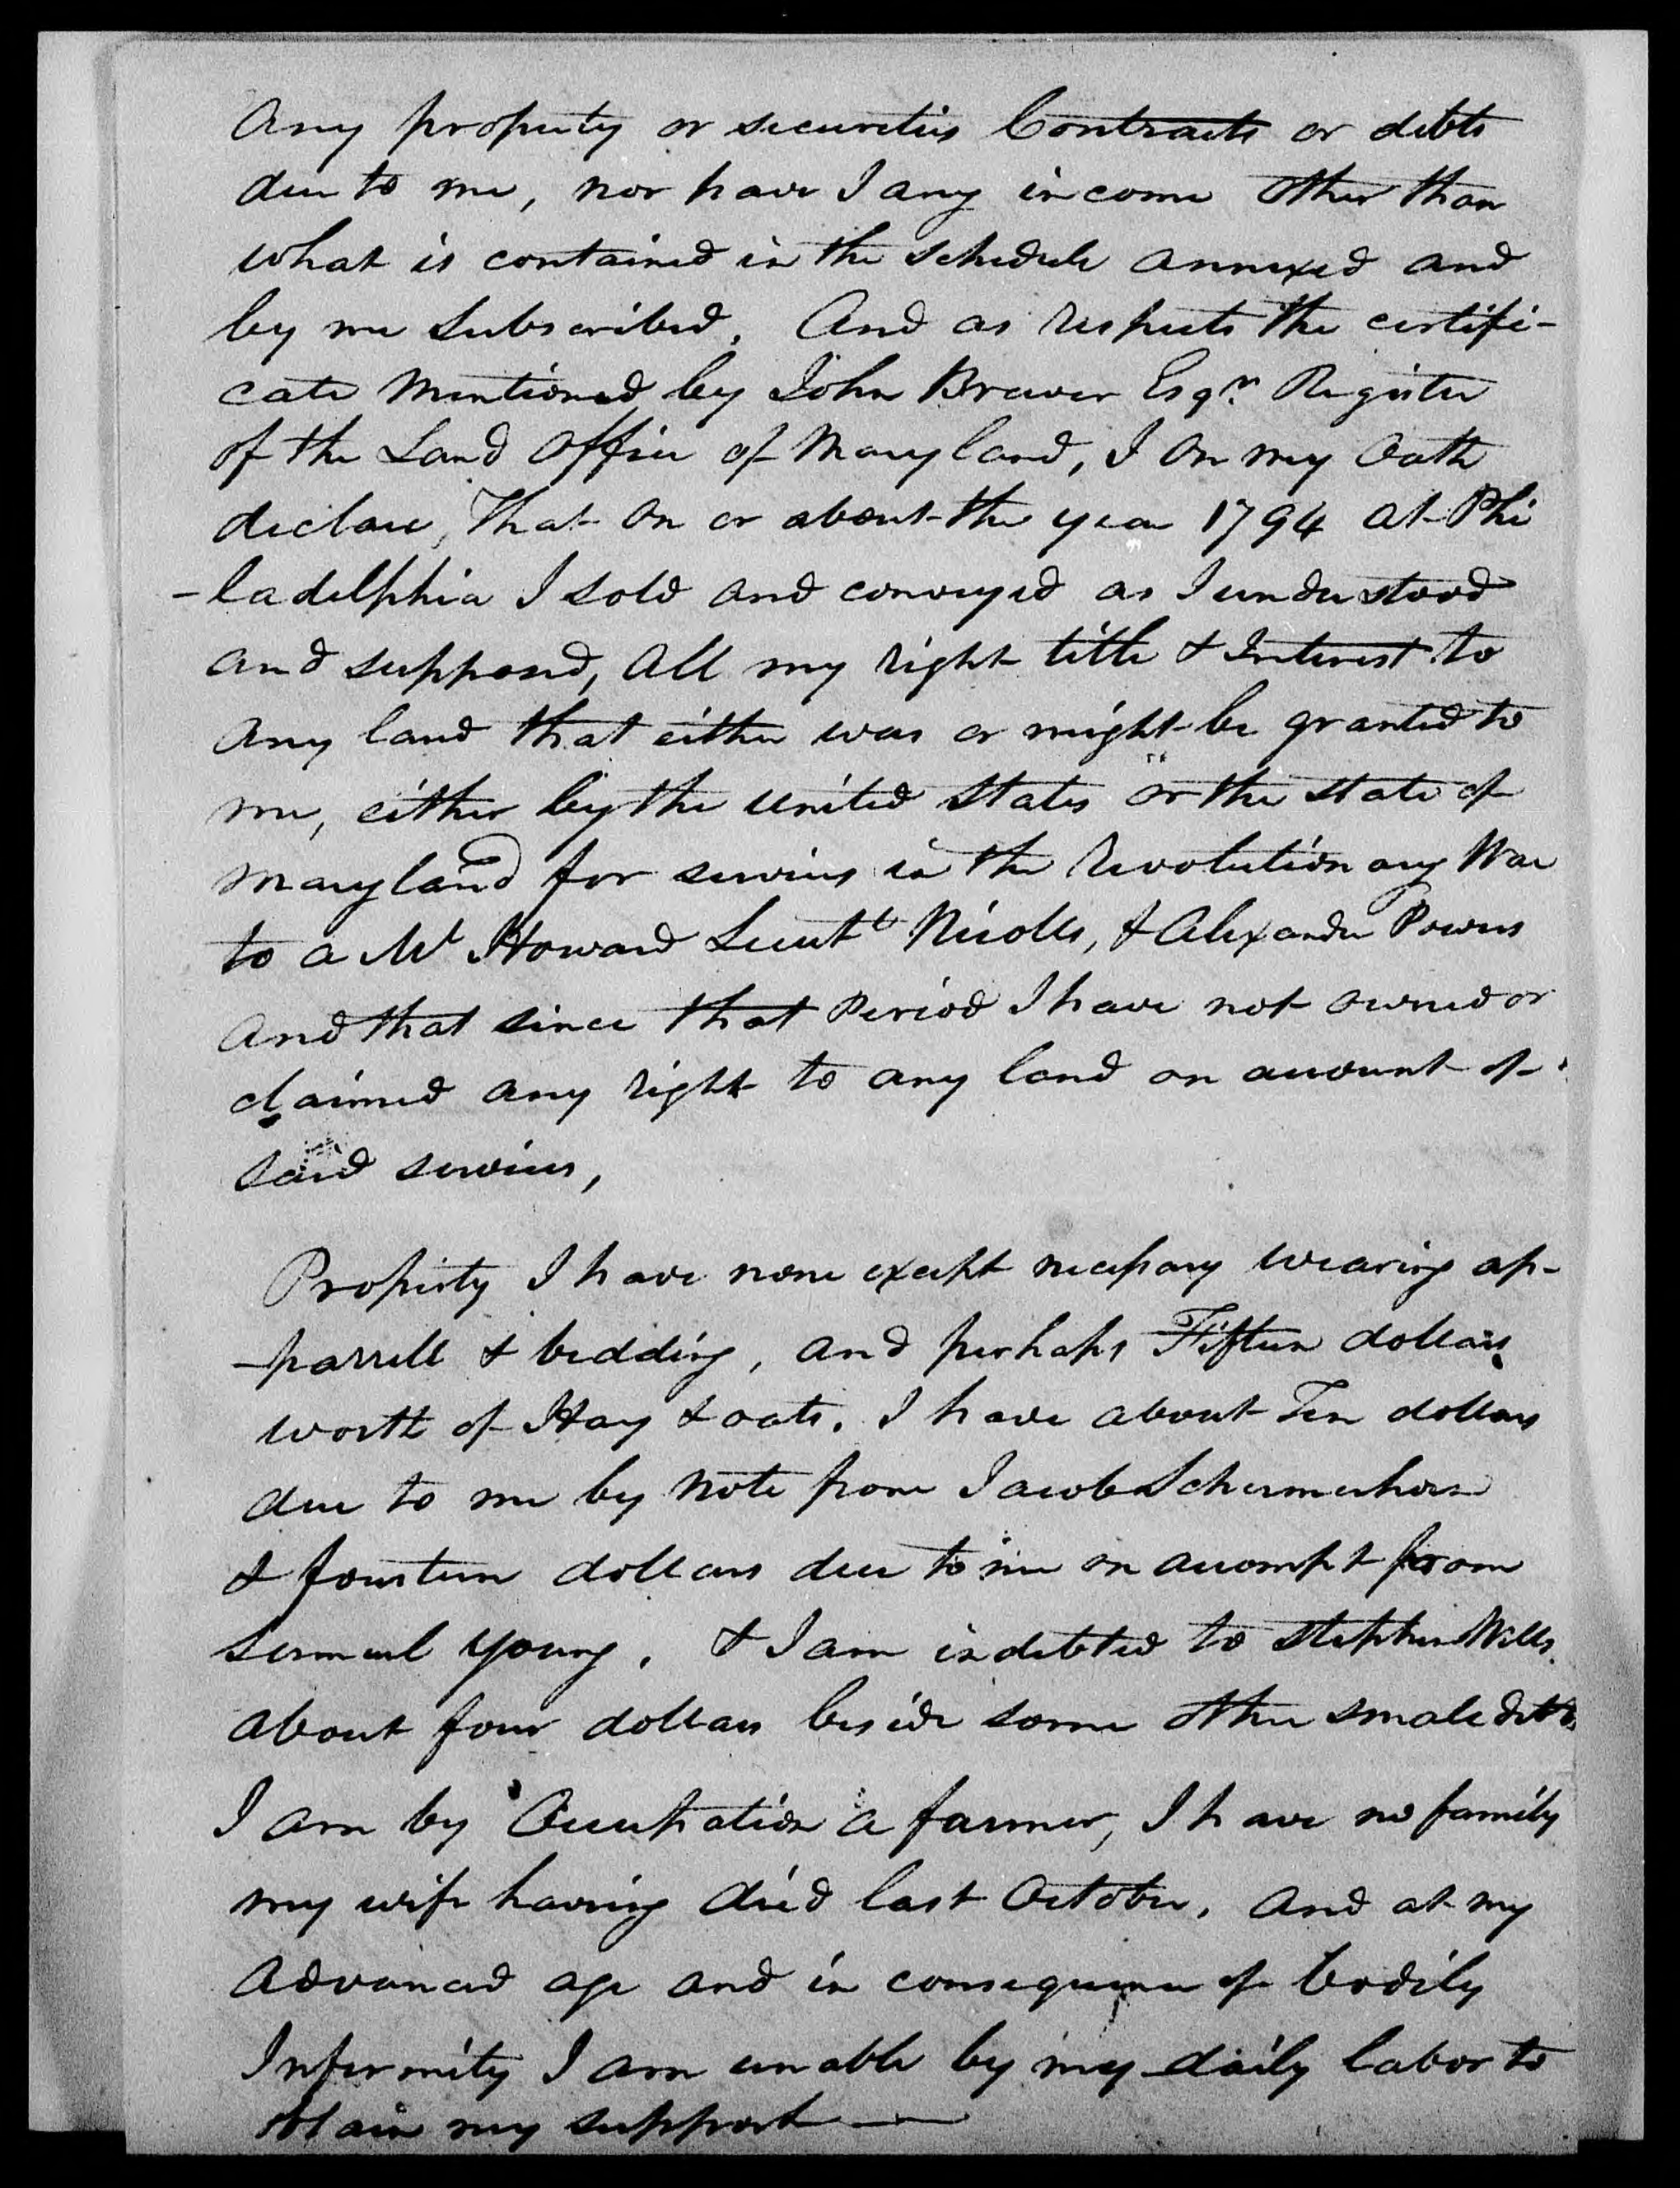any property or securities contracts or depts due to me nor have I any income other than what is contained in the schedule annexed and by me subscribed. And as respects the certificate mentioned by John Brewer Esqr. register of the Land Office of Maryland, I on my oath declare that on or about the year 1794 at Philadelphia I sold and conveyed as I understood and supposed all my rights, title & interest to any land that either was or might be granted to me, either by the United States or the state of Maryland for services in the revolutionary war to a W. Howard Lieut. Nicolls & Alexander Powers and that since that period I have not owned or claimed any rights to any land on account of said services
Property I have none except necessary wearing apparel & bedding and perhaps fifteen dollars' worth of Hay & oats. I have about ten dollars due to me by note from Jacob Schermerhorn & fourteen dollars due to me on account from Samuel Young. & I am indebted to Stephen Wills about four dollars besides some other small debts. I am by occupation a farmer I have no family my wife having died last October and at my advanced age and in consequence of bodily infirmity I am unable by my daily labor to obtain my support.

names: [BLANK] Nicolls; John Brewer; Samuel Young; Stephen Wills; [BLANK] Howard; Jacob Schermerhorn; Alexander Powers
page: 6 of 23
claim: survivor's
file: S 42874, for Robert Livingston, Maryland